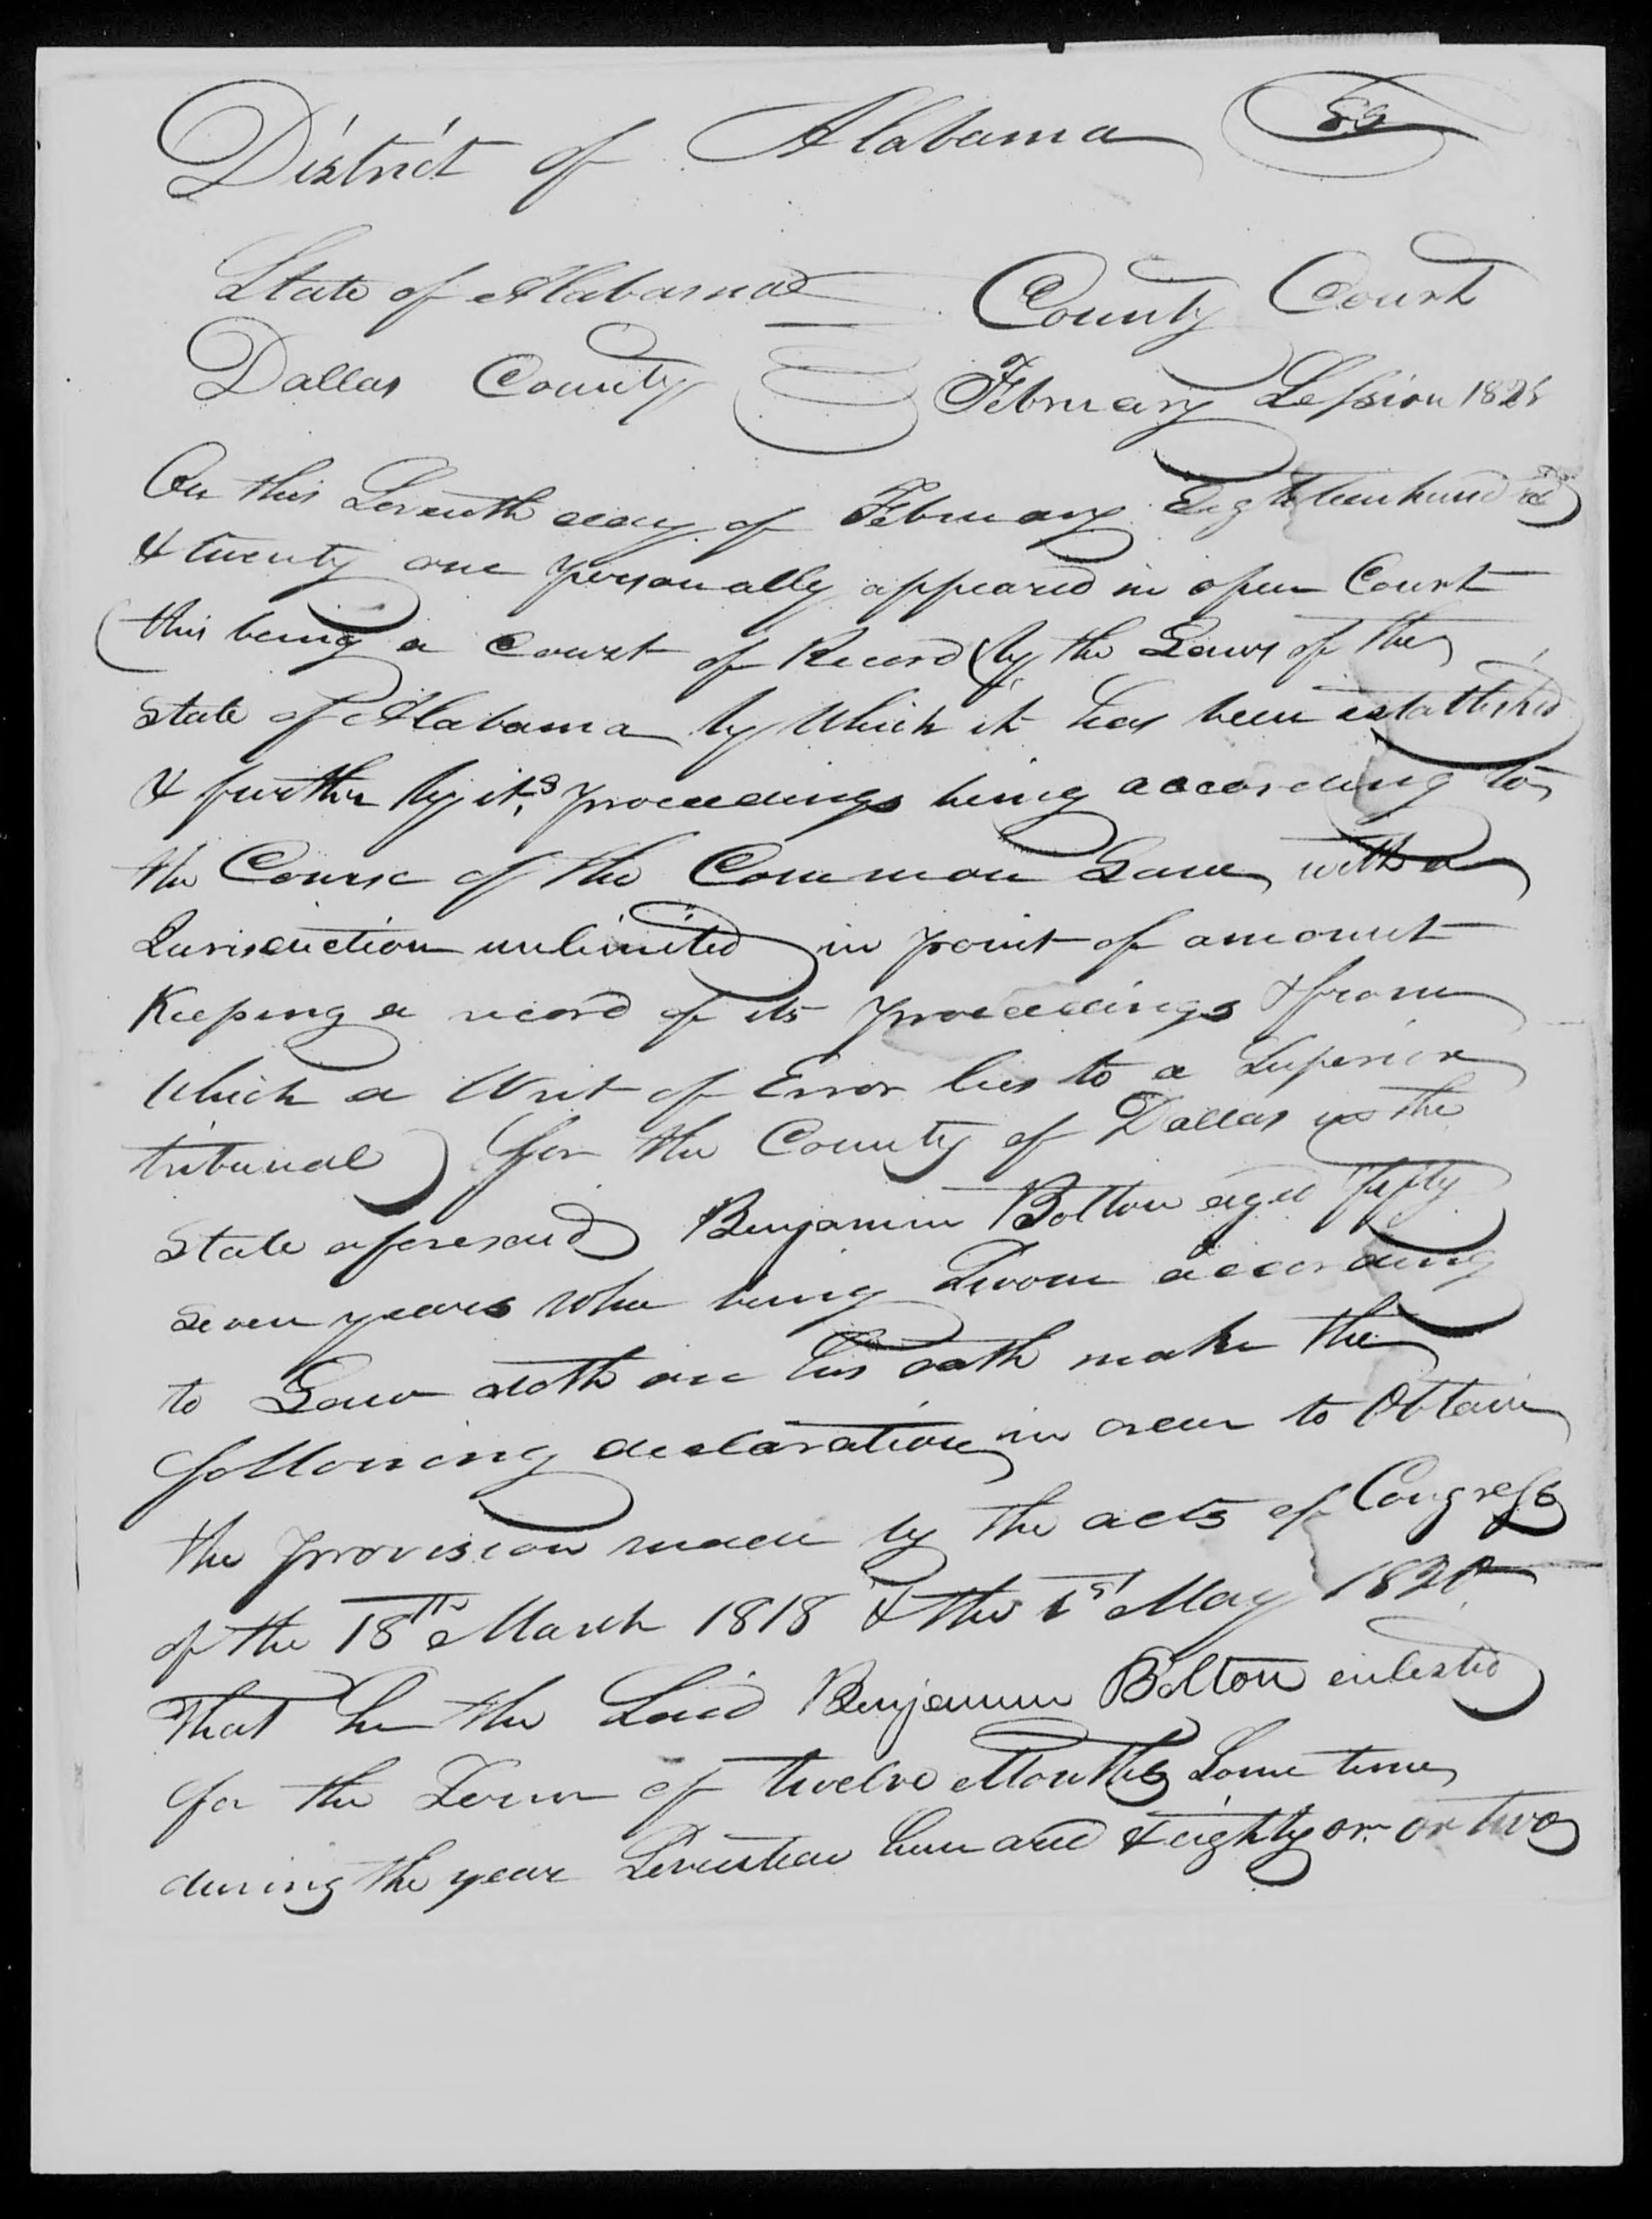District of Alabama 89
State of Alabama
Dallas County
County Court February Session 1828

On this seventh **** of February eight hundred & twenty one personally appeared in open court this being a court of record by the service of the state of Alabama by which it been established & further by it's proceedings being according to the Course of the Common **** with a jurisdiction unlimited in point of amount keeping a record of its proceedings & from which a writ of error lies to a superior tribunal.  Upon the county of Dallas in the state aforesaid Benjamin Bolton aged fifty seven years when being *** according to *** *** are his oath make the following declaration in order to obtain the provision made by the acts of congress of the 18th March 1818 & the 1st May 1820 that he the said Benjamin Bolton enlisted for the service of twelve monts some time during the year seventeen hundred & eighty one or two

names: Benjamin Bolton, Benjamin Bolton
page: 7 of 29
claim: survivor's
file: S. 37,795, Benjamin Bolton, N.C.